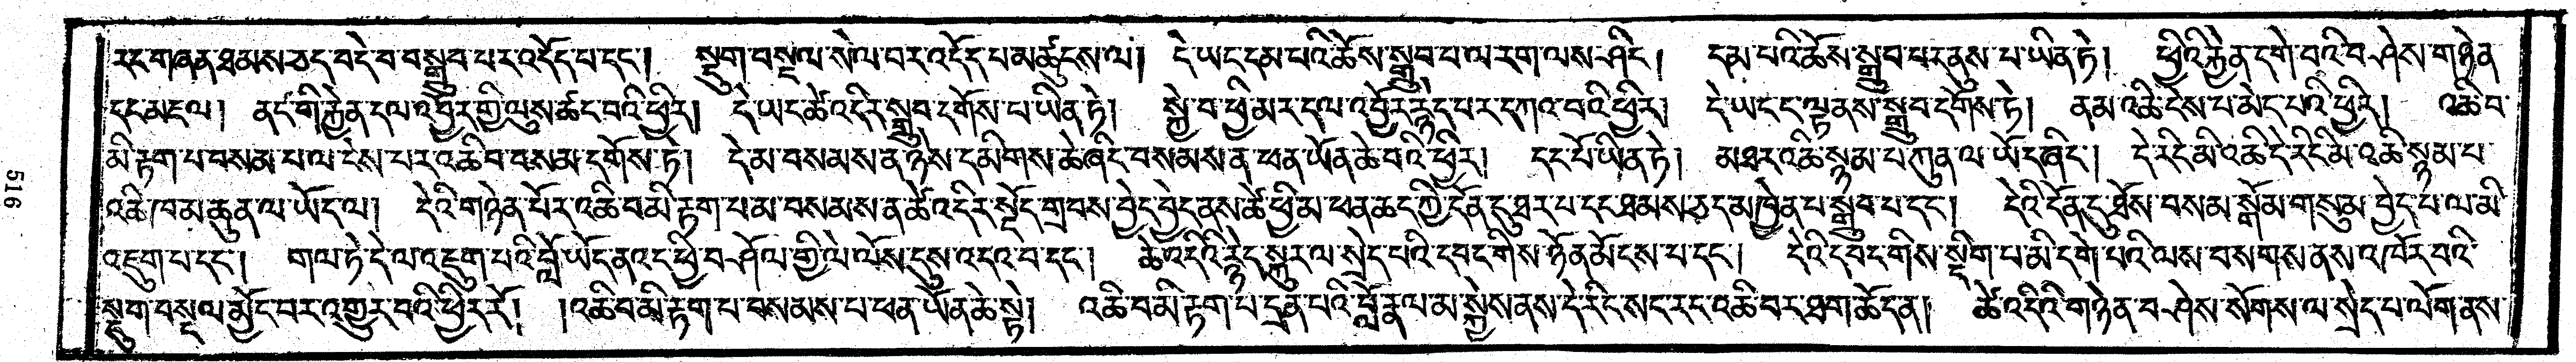རང་གཞན་ཐམས་ཅད་བདེ་བ་བསྒྲུབ་པར་འདོད་པ་དང་། སྡུག་བསྔལ་སེལ་བར་འདོད་པ་མཚུངས་ལ། དེ་ཡང་དམ་པའི་ཆོས་སྒྲུབ་པ་ལ་རག་ལས་ཤིང་། དམ་པའི་ཆོས་སྒྲུབ་པར་ནུས་པ་ཡིན་ཏེ། ཕྱིའི་རྐྱེན་དགེ་བའི་བཤེས་གཉེན་
དང་མཇལ། ནང་གི་རྐྱེན་དལ་འབྱོར་གྱི་ལུས་ཚང་བའི་ཕྱིར། དེ་ཡང་ཚེ་འདིར་སྒྲུབ་དགོས་པ་ཡིན་ཏེ། སྐྱེ་བ་ཕྱི་མར་དལ་འབྱོར་རྙེད་པར་དཀའ་བའི་ཕྱིར། དེ་ཡང་ང་ལྟ་ནས་སྒྲུབ་དགོས་ཏེ། ནམ་འཆི་ངེས་པ་མེད་པའི་ཕྱིར། འཆི་བ་
མི་རྟག་པ་བསམ་པ་ལ་ངེས་པར་འཆི་བ་བསམ་དགོས་ཏེ། དེ་མ་བསམས་ན་ཉེས་དམིགས་ཆེ་ཞིང་བསམས་ན་ཕན་ཡོན་ཆེ་བའི་ཕྱིར། དང་པོ་ཡིན་ཏེ། མཐར་འཆི་སྙམ་པ་ཀུན་ལ་ཡོད་ཞིང་། དེ་རིང་མི་འཆི་དེ་རིང་མི་འཆི་སྙམ་པ་
འཆི་ཁམ་ཆུན་ལ་ཡོད་ལ། དེའི་གཉེན་པོར་འཆི་བ་མི་རྟག་པ་མ་བསམས་ན་ཚེ་འདིར་སྡོད་གྲབས་བྱེད་བྱེད་ནས་ཚེ་ཕྱི་མ་ཕན་ཆད་ཀྱི་དོན་དུ་ཐར་པ་དང་ཐམས་ཅད་མཁྱེན་པ་སྒྲུབ་པ་དང་། དེའི་དོན་དུ་ཐོས་བསམ་སྒོམ་གསུམ་བྱེད་པ་ལ་མི་
འཇུག་པ་དང་། གལ་ཏེ་དེ་ལ་འཇུག་པའི་བློ་ཡོད་ནའང་ཕྱི་བཤོལ་གྱི་ལེ་ལོས་དུས་འདའ་བ་དང་། ཆེ་འདིའི་རྙེད་སྐུར་ལ་སྲེད་པའི་དབང་གིས་ཉོན་མོངས་པ་དང་། དེའི་དབང་གིས་སྡིག་པ་མི་དགེ་བའི་ལས་བསགས་ནས་འཁོར་བའི་
སྡུག་བསྔལ་མྱོང་བར་འགྱུར་བའི་ཕྱིར་རོ། །འཆི་བ་མི་རྟག་པ་བསམས་པ་ཕན་ཡོན་ཆེ་སྟེ། འཆི་བ་མི་རྟག་པ་དྲན་པའི་བློ་རྣལ་མ་སྐྱེས་ནས་དེ་རིང་སང་རང་འཆི་བར་ཐག་ཆོད་ན། ཚེ་འདིའི་གཉེན་བཤེས་སོགས་པ་སྲེད་པ་ལོག་ནས་